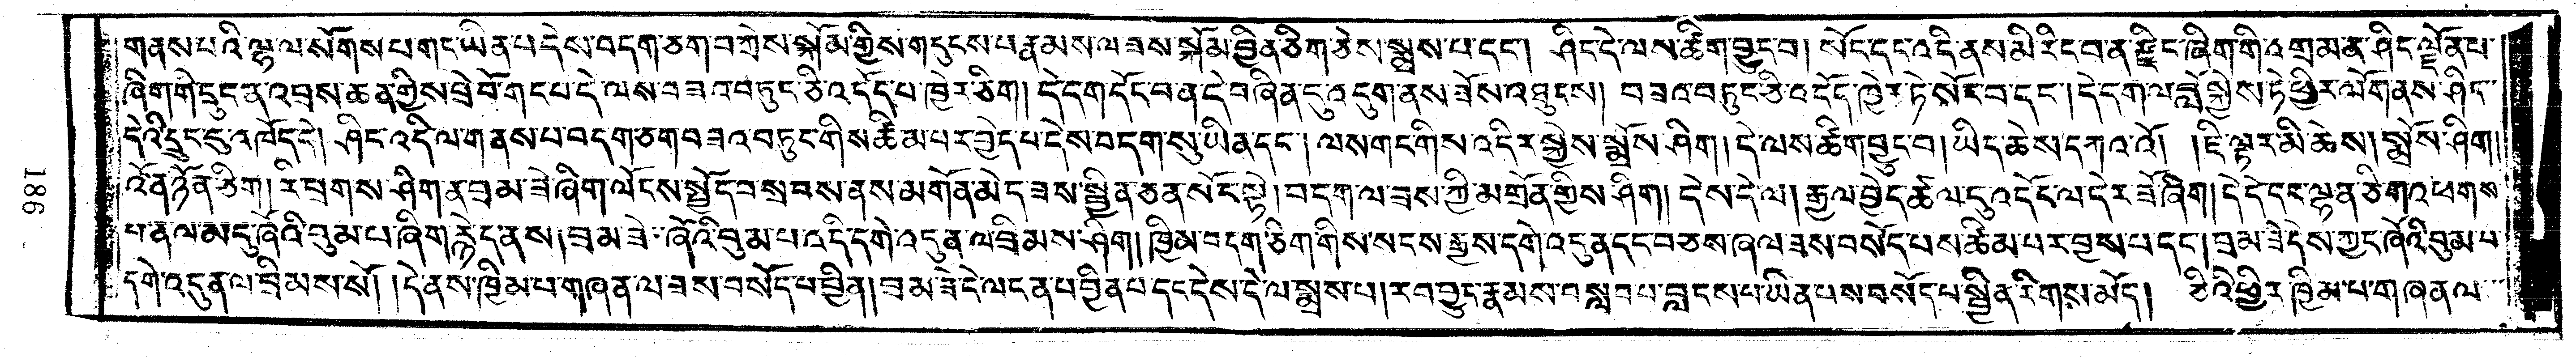གནས་པའི་ལྷ་ལ་སོགས་པ་གང་ཡིན་པ་དེས་བདག་ཅག་བཀྲེས་སྐོམ་གྱིས་གདུངས་པ་རྣམས་ལ་ཟས་སྐོམ་བྱིན་ཅིག་ཅེས་སྨྲས་པ་དང་། ཤིང་དེ་ལས་ཚིག་བྱུང་བ། སོང་དང་འདི་ནས་མི་རིང་བ་ན་རྫིང་ཞིག་གི་འགྲམ་ན་ཤིང་ལྗོན་པ་
ཞིག་གི་དྲུང་ན་འབྲས་ཆན་གྱིས་བྲེ་བོ་གང་པ་དེ་ལས་བཟའ་བཏུང་ཅི་འདོད་པ་ཁྱེར་ཅིག །དེ་དག་དོང་བ་ན་དེ་བཞིན་དུ་འདུག་ནས་ཟོས་འཐུངས། བཟའ་བཏུང་ཅི་འདོད་ཁྱེར་ཏེ་སོང་བ་དང་། དེ་དག་ལ་བློ་སྐྱེས་ཏེ་ཕྱིར་ལོ་གནས་ཤིང་
དེའི་དྲུང་དུ་འཁོད་དེ། ཤིང་འདི་ལ་གནས་པ་བདག་ཅག་བཟའ་བཏུང་གིས་ཚིམ་པར་བྱེད་པ་དེས་བདག་སུ་ཡིན་དང་། ལས་གང་གིས་འདིར་སྐྱེས་སྨྲོས་ཤིག། དེ་ལས་ཚིག་བྱུང་བ། ཡིད་ཆེས་དཀའ་འོ། །ཇི་ལྟར་མི་ཆེས། སྨྲོས་ཤིག །
འོ་ན་ཉོན་ཅིག །རི་བྲགས་ཤིག་ན་བྲམ་ཟེ་ཞིག་ལོངས་སྤྱོད་པ་སྲབས་ནས་མགོན་མེད་ཟས་སྦྱིན་ཅན་སོང་སྟེ། བདག་ལ་ཟས་ཀྱི་མགྲོན་གྱིས་ཤིག། དེས་དེ་ལ། རྒྱལ་བྱེད་ཚལ་དུ་འདོང་ལ་དེར་ཟོ་ཞིག། དེ་དེ་དང་ལྷན་ཅིག་འཕགས་
པ་ན་ལ་མདུ་ཞོའི་བུམ་པ་ཞིག་རྙེད་ནས། བྲམ་ཟེ༑ ཞོའི་བུམ་པ་འདི་དགེ་འདུན་ལ་བྲིམས་ཤིག། ཁྱིམ་བདག་ཅིག་གིས་སངས་རྒྱས་དགེ་འདུན་དང་བཅས་ཞལ་ཟས་བསོད་པས་ཚིམ་པར་བྱས་པ་དང་། བྲམ་ཟེ་དེས་ཀྱང་ཞོའི་བུམ་པ་
དགེ་འདུན་ལ་བྲིམས་སོ། །དེ་ནས་ཁྱིམ་པ་གཞན་ལ་ཟས་བསོད་པ་བྱིན་།བྲམ་ཟེ་དེ་ལ་ངན་པ་བྱིན་པ་དང་དེས་དེ་ལ་སྨྲས་པ། རབ་བྱུང་རྣམས་བསླབ་པ་བླངས་པ་ཡིན་པས་བསོད་པ་སྦྱིན་རིགས་མོད། ཅིའི་ཕྱིར་ཁྱིམ་པ་གཞན་ལ་